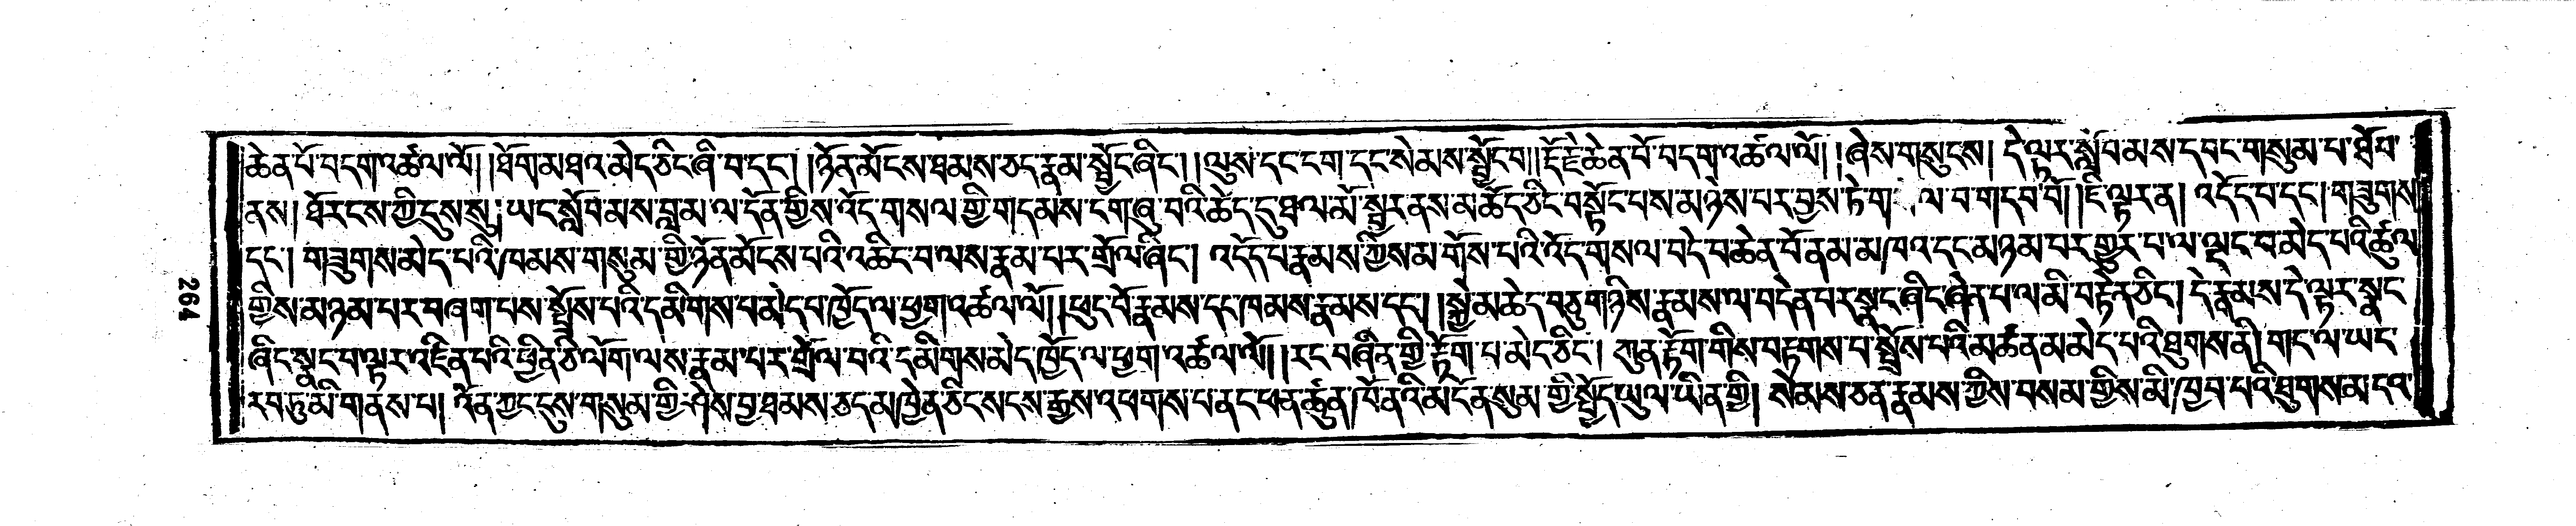ཆེན་པོ་བདག་འཚལ་ལོ། །ཐོག་མཐའ་མེད་ཅིང་ཞི་བ་དང་། །ཉོན་མོངས་ཐམས་ཅད་རྣམ་སྤྱོང་ཞིང་། །ལུས་དང་ངག་དང་སེམས་སྤོང་བ། །རྡོ་རྗེ་ཆེན་པོ་བདག་འཚལ་ལོ། །ཞེས་གསུངས། དེ་ལྟར་སློབ་མས་དབང་གསུམ་པ་ཐོབ་
ནས། ཐོ་རངས་ཀྱི་དུས་སུ། ཡང་སློབ་མས་བླ་མ་ལ་དོན་གྱིས་འོད་གསལ་གྱི་གདམས་ངག་ཞུ་བའི་ཆེད་དུ་ཐལ་མོ་སྦྱར་ནས་མཆོད་ཅིང་བསྟོད་པས་མཉེས་པར་བྱས་ཏེ་གསོལ་བ་གདབ་བོ། །ཇི་ལྟར་ན། འདོད་པ་དང་། གཟུགས་
དང་། གཟུགས་མེད་པའི་ཁམས་གསུམ་གྱི་ཉོན་མོངས་པའི་འཆིང་བ་ལས་རྣམ་པར་གྲོལ་ཞིང་། འདོད་པ་རྣམས་ཀྱིས་མ་གོས་པའི་འོད་གསལ་བདེ་བ་ཆེན་པོ་ནམ་མཁའ་དང་མཉམ་པར་གྱུར་པ་ལ་ལྡང་བ་མེད་པའི་ཚུལ་
གྱིས་མཉམ་པར་བཞག་པས་སྤྲོས་པའི་དམིགས་པ་མེད་པ་ཁྱོད་ལ་ཕྱག་འཚལ་ལོ། །ཕུང་པོ་རྣམས་དང་ཁམས་རྣམས་དང་། །སྐྱེ་མཆེད་བཅུ་གཉིས་རྣམས་ལ་བདེན་པར་སྣང་ཞིང་ཞེན་པ་ལ་མི་བརྟེན་ཅིང་། དེ་རྣམས་དེ་ལྟར་སྣང་
ཞིང་སྣང་བ་ལྟར་འཛིན་པའི་ཕྱིན་ཅི་ལོག་ལས་རྣམ་པར་གྲོལ་བའི་དམིགས་མེད་ཁྱོད་ལ་ཕྱག་འཚལ་ལོ། །རང་བཞིན་གྱི་རྟོག་པ་མེད་ཅིང་། ཀུན་རྟོག་གིས་བརྟགས་པ་སྤྲོས་པའི་མཚན་མ་མེད་པའི་ཐུགས་ནི། གང་ལ་ཡང་
རབ་ཏུ་མི་གནས་པ། འོན་ཀྱང་དུས་གསུམ་གྱི་ཤེས་བྱ་ཐམས་ཅད་མཁྱེན་ཅིང་སངས་རྒྱས་འཕགས་པ་ནང་ཕུན་ཚུན་ཁོ་ནའི་མངོན་སུམ་གྱི་སྤྱོད་ཡུལ་ཡིན་གྱི། སེམས་ཅན་རྣམས་ཀྱིས་བསམ་གྱིས་མི་ཁྱབ་པའི་ཐུགས་མངའ་